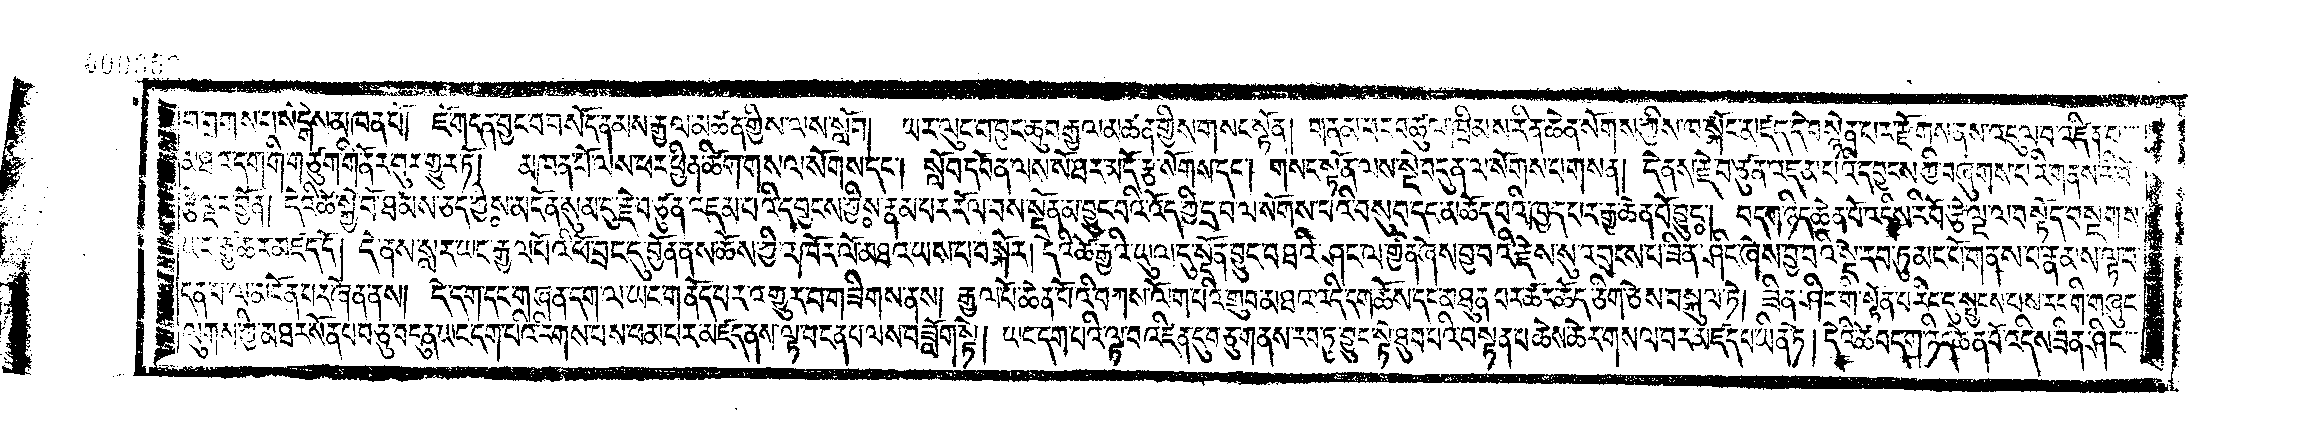པ་གྲགས་པ་སེངྒེ་མཁན་པོ། ཇོ་གདན་བྱང་བ་བསོད་ནམས་རྒྱལ་མཚན་གྱིས་ལས་སློབ། ཡར་ལུང་པ་བྱང་ཆུབ་རྒྱལ་མཚན་གྱིས་གསང་སྟོན། གནམ་ཕར་པ་ཚུལ་ཁྲིམས་རིན་ཆེན་སོགས་ཀྱིས་བསྐོར་མཛད་དེ་བསྙེན་པར་རྫོགས་ནས་གནས་འདུལ་བ་འཛིན་པ་
མཐའ་དག་གི་གཙུག་གི་ནོར་བུར་གྱུར་ཏོ། མཁན་པོ་ལས་ཕར་ཕྱིན་གསལ་སོགས་དང་། སློབ་དཔོན་ལས་སོ་ཐར་མདོ་རྩ་སོགས་དང་། གསང་སྟོན་ལས་སྡེ་བདུན་ལ་སོགས་པ་གསན། དེ་ནས་རྗེ་བཙུན་འཇམ་པའི་དབྱངས་ཀྱི་བཞུགས་པའི་གནས་རི་བོ་
རྩེ་ལྔར་བྱོན། དེའི་ཚེ་སྐྱེ་བོ་ཐམས་ཅད་ཀྱིས་མངོན་སུམ་དུ་རྗེ་བཙུན་འཇམ་པའི་དབྱངས་ཀྱིས་རྣམ་པར་རོལ་བས་སྔོན་མ་བྱུང་བའི་འོད་ཀྱི་དྲང་ལ་སོགས་པའི་བསུ་བ་དང་མཆོད་པའི་ཁྱད་པར་རྒྱ་ཆེན་པོ་བྱུང་། བདག་ཉིད་ཆེན་པོ་འདིས་རིང་བོ་རྩེ་ལྔ་ལ་བསྟོད་བསྔགས་
ཡང་རྒྱ་ཆེར་མཛད་དོ། དེ་ནས་སླར་ཡང་རྒྱལ་པོའི་ཕོ་བྲང་དུ་བྱོན་ནས་ཆོས་ཀྱི་འཁོར་ལོ་མཐའ་ཡས་པ་བསྐོར། དེའི་ཚེ་རྒྱའི་ཡུལ་དུ་སྔོན་དུ་བྱུང་བ་ཐའི་ཤང་ལ་བྱིན་ཞེས་བྱ་བའི་རྗེས་སུ་འབྲངས་པ་ཟིན་ཤིང་ཞེས་བྱ་བའི་སྡེ་རབ་ཏུ་མང་པོ་གནས་པ་རྣམས་ལྟ་བ་
ངན་པ་ལ་མངོན་པར་ཞེན་ནས། དེ་དག་དང་གཞན་དག་ལ་ཡང་གནོད་པར་འགྱུར་བ་གཟིགས་ནས། རྒྱལ་པོ་ཆེན་པོའི་བཀས་ལོག་པའི་གྲུབ་མཐའ་འདི་དག་ཆོས་དང་མཐུན་པར་ཚར་ཆོད་ཅིག་ཅེས་བསྐུལ་ཏེ། ཟིན་ཤིང་གི་སྟོན་པ་རིང་དུ་སྤྱངས་པས་རང་གི་གཞུང་
ལུགས་ཀྱི་མཐར་སོན་པ་བཅུ་བདུན་ཡང་དག་པའི་རིགས་པས་ཕམ་པར་མཛད་ནས་ལྟ་བ་ངན་པ་ལས་བཟློག་སྟེ། ཡང་དག་པའི་ལྟ་བ་འཛིན་དུ་བཅུག་ནས་རབ་ཏུ་བྱུང་སྟེ་ཐུབ་པའི་བསྟན་པ་ཆེར་ཆེར་གསལ་བར་མཛད་པ་ཡིན་ཏེ། དེའི་ཚེ་བདག་ཉིད་ཆེན་པོའི་འདིས་ཟིན་ཤིང་